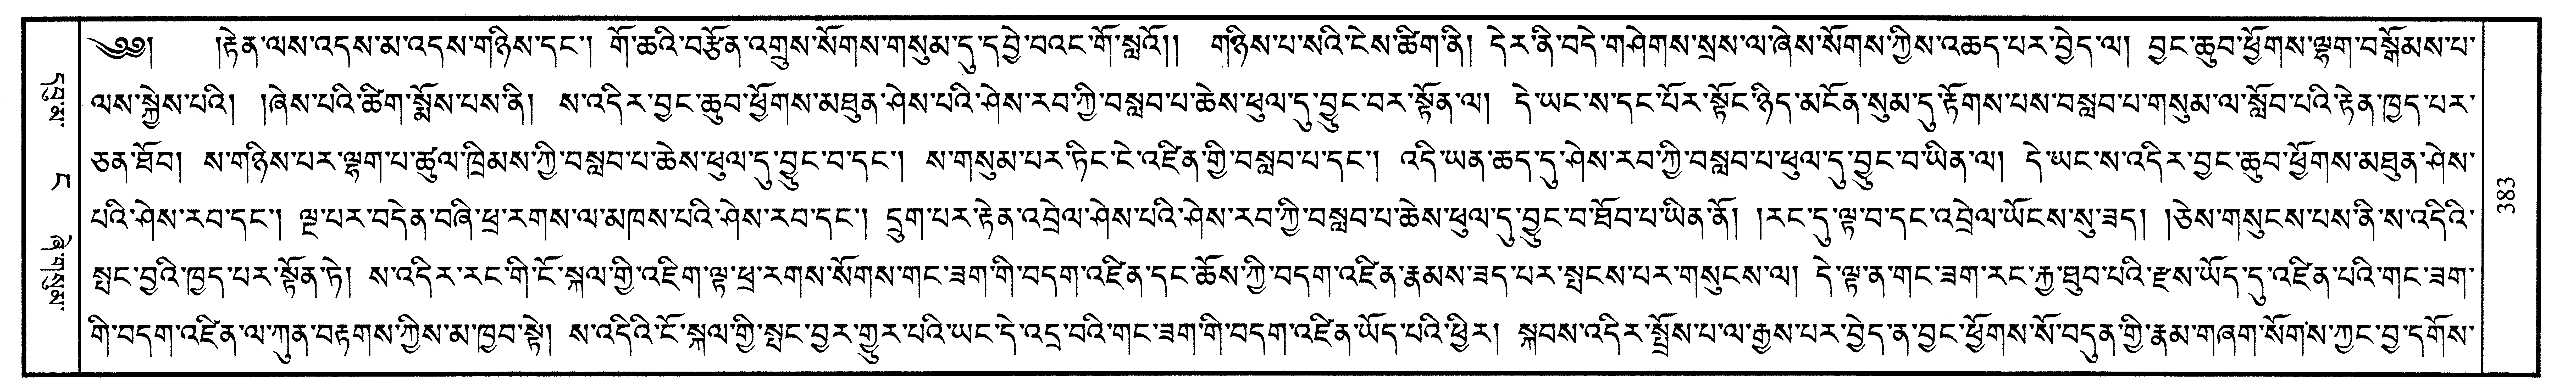༄༅། །རྟེན་ལས་འདས་མ་འདས་གཉིས་དང་། གོ་ཆའི་བརྩོན་འགྲུས་སོགས་གསུམ་དུ་དབྱེ་བའང་གོ་སླའོ།། གཉིས་པ་སའི་ངེས་ཚིག་ནི། དེར་ནི་བདེ་གཤེགས་སྲས་ལ་ཞེས་སོགས་ཀྱིས་འཆད་པར་བྱེད་ལ། བྱང་ཆུབ་ཕྱོགས་ལྷག་བསྒོམས་པ་
ལས་སྐྱེས་པའི། །ཞེས་པའི་ཚིག་སྨོས་པས་ནི། ས་འདིར་བྱང་ཆུབ་ཕྱོགས་མཐུན་ཤེས་པའི་ཤེས་རབ་ཀྱི་བསླབ་པ་ཆེས་ཕུལ་དུ་བྱུང་བར་སྟོན་ལ། དེ་ཡང་ས་དང་པོར་སྟོང་ཉིད་མངོན་སུམ་དུ་རྟོགས་པས་བསླབ་པ་གསུམ་ལ་སློབ་པའི་རྟེན་ཁྱད་པར་
ཅན་ཐོབ། ས་གཉིས་པར་ལྷག་པ་ཚུལ་ཁྲིམས་ཀྱི་བསླབ་པ་ཆེས་ཕུལ་དུ་བྱུང་བ་དང་། ས་གསུམ་པར་ཏིང་ངེ་འཛིན་གྱི་བསླབ་པ་དང་། འདི་ཡན་ཆད་དུ་ཤེས་རབ་ཀྱི་བསླབ་པ་ཕུལ་དུ་བྱུང་བ་ཡིན་ལ། དེ་ཡང་ས་འདིར་བྱང་ཆུབ་ཕྱོགས་མཐུན་ཤེས་
པའི་ཤེས་རབ་དང་། ལྔ་པར་བདེན་བཞི་ཕྲ་རགས་ལ་མཁས་པའི་ཤེས་རབ་དང་། དྲུག་པར་རྟེན་འབྲེལ་ཤེས་པའི་ཤེས་རབ་ཀྱི་བསླབ་པ་ཆེས་ཕུལ་དུ་བྱུང་བ་ཐོབ་པ་ཡིན་ནོ། །རང་དུ་ལྟ་བ་དང་འབྲེལ་ཡོངས་སུ་ཟད། །ཅེས་གསུངས་པས་ནི་ས་འདིའི་
སྤང་བྱའི་ཁྱད་པར་སྟོན་ཏེ། ས་འདིར་རང་གི་ངོ་སྐལ་གྱི་འཇིག་ལྟ་ཕྲ་རགས་སོགས་གང་ཟག་གི་བདག་འཛིན་དང་ཆོས་ཀྱི་བདག་འཛིན་རྣམས་ཟད་པར་སྤངས་པར་གསུངས་ལ། དེ་ལྟ་ན་གང་ཟག་རང་རྐྱ་ཐུབ་པའི་རྫས་ཡོད་དུ་འཛིན་པའི་གང་ཟག་
གི་བདག་འཛིན་ལ་ཀུན་བརྟགས་ཀྱིས་མ་ཁྱབ་སྟེ། ས་འདིའི་ངོ་སྐལ་གྱི་སྤང་བྱར་གྱུར་པའི་ཡང་དེ་འདྲ་བའི་གང་ཟག་གི་བདག་འཛིན་ཡོད་པའི་ཕྱིར། སྐབས་འདིར་སྤྲོས་པ་ལ་རྒྱས་པར་བྱེད་ན་བྱང་ཕྱོགས་སོ་བདུན་གྱི་རྣམ་གཞག་སོགས་ཀྱང་བྱ་དགོས་